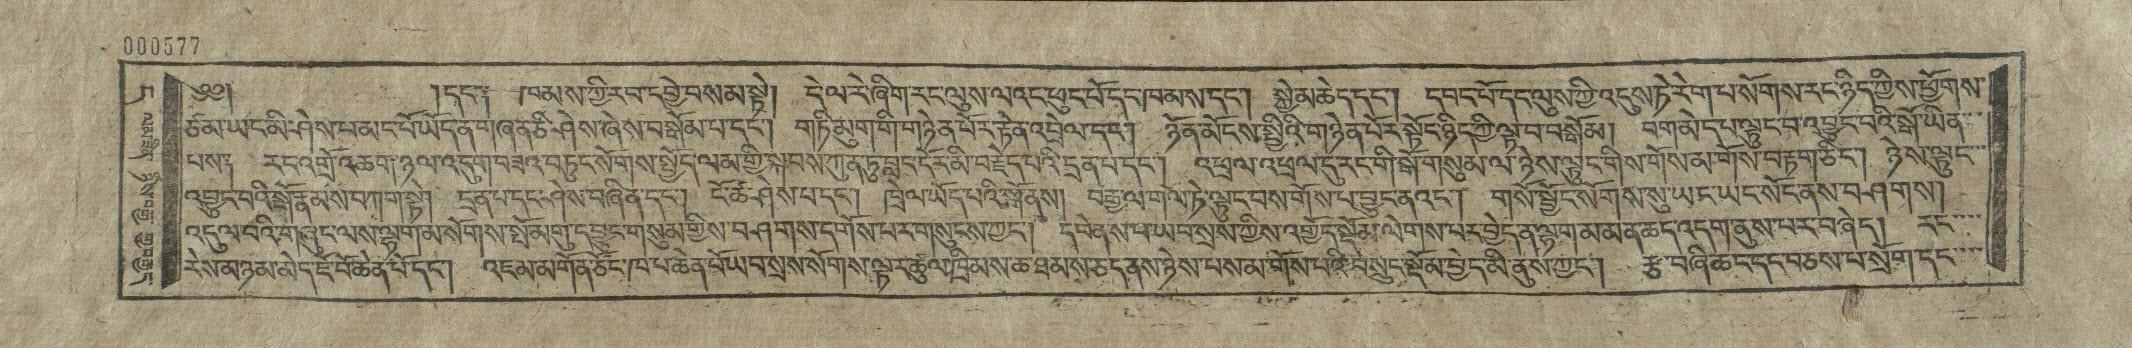༄༅། །དང༑ ཁམས་ཀྱི་རབ་དབྱེ་བསམ་སྟེ། དེ་ལ་རེ་ཞིག་རང་ལུས་ལའང་ཕུང་པོ་དང་ཁམས་དང་། སྐྱེ་མཆེད་དང་། དབང་པོ་དང་ལུས་ཀྱི་འདུས་ཏེ་རེག་པ་སོགས་རང་ཉིད་ཀྱིས་ཕྱོགས་
ཙམ་ཡང་མི་ཤེས་པ་མང་པོ་ཡོད་ན་གཞན་ཅི་ཤེས་ཞེས་བསྒོམ་པ་དང་། གཏི་མུག་གི་གཉེན་པོར་རྟེན་འབྲེལ་དང་། ཉོན་མོངས་སྤྱིའི་གཉེན་པོར་སྟོང་ཉིད་ཀྱི་ལྟ་བ་བསྒོམ། བག་མེད་པ་ལྟུང་བ་འབྱུང་བའི་སྒོ་ཡིན་
པས༑ རང་འགྲོ་འཆག་ཉལ་འདུག་བཟའ་བཏུང་སོགས་སྤྱོད་ལམ་གྱི་སྐབས་ཀུན་ཏུ་བླང་དོར་མི་བརྗེད་པའི་དྲན་པ་དང་། འཕྲལ་འཕྲལ་དུ་རང་གི་སྒོ་གསུམ་ལ་ཉེས་ལྟུང་གིས་གོས་མ་གོས་བརྟག་ཅིང་། ཉེས་ལྟུང་
འབྱུང་བའི་སྒོ་རྣམས་བཀག་སྟེ། དྲན་པ་དང་ཤེས་བཞིན་དང་། ངོ་ཚ་ཤེས་པ་དང་། ཁྲེལ་ཡོད་པའི་སྒོ་ནས། བརྒྱ་ལ་གལ་ཏེ་ལྟུང་བས་གོས་པ་བྱུང་ནའང་། གསོ་སྦྱོང་སོགས་སུ་ཡང་ཡང་སོང་ནས་བཤགས།
འདུལ་བའི་གཞུང་ལས་ལྷག་མ་སོགས་སྤོ་མགུ་དབྱུང་གསུམ་གྱིས་བཤགས་དགོས་པར་གསུངས་ཀྱང་། དབེན་ས་པ་ཡབ་སྲས་ཀྱིས་འགྱོད་སྡོམ་ལེགས་པར་བྱེད་ན་ལྷག་མ་མན་ཆད་འདག་ནུས་པར་བཞེད། རང་
རེས་མཉམ་མེད་ཇོ་བོ་ཆེན་པོ་དང་། འཇམ་མགོན་ཙོང་ཁ་པ་ཆེན་པོ་ཡབ་སྲས་སོགས་ལྟར་ཚུལ་ཁྲིམས་ཆ་ཐམས་ཅད་ནས་ཉེས་པས་མ་གོས་པའི་བསྲུང་སྡོམ་བྱེད་མི་ནུས་ཀྱང་། རྩ་བཞི་ཆང་དང་བཅས་པ་སྲོག་དང་